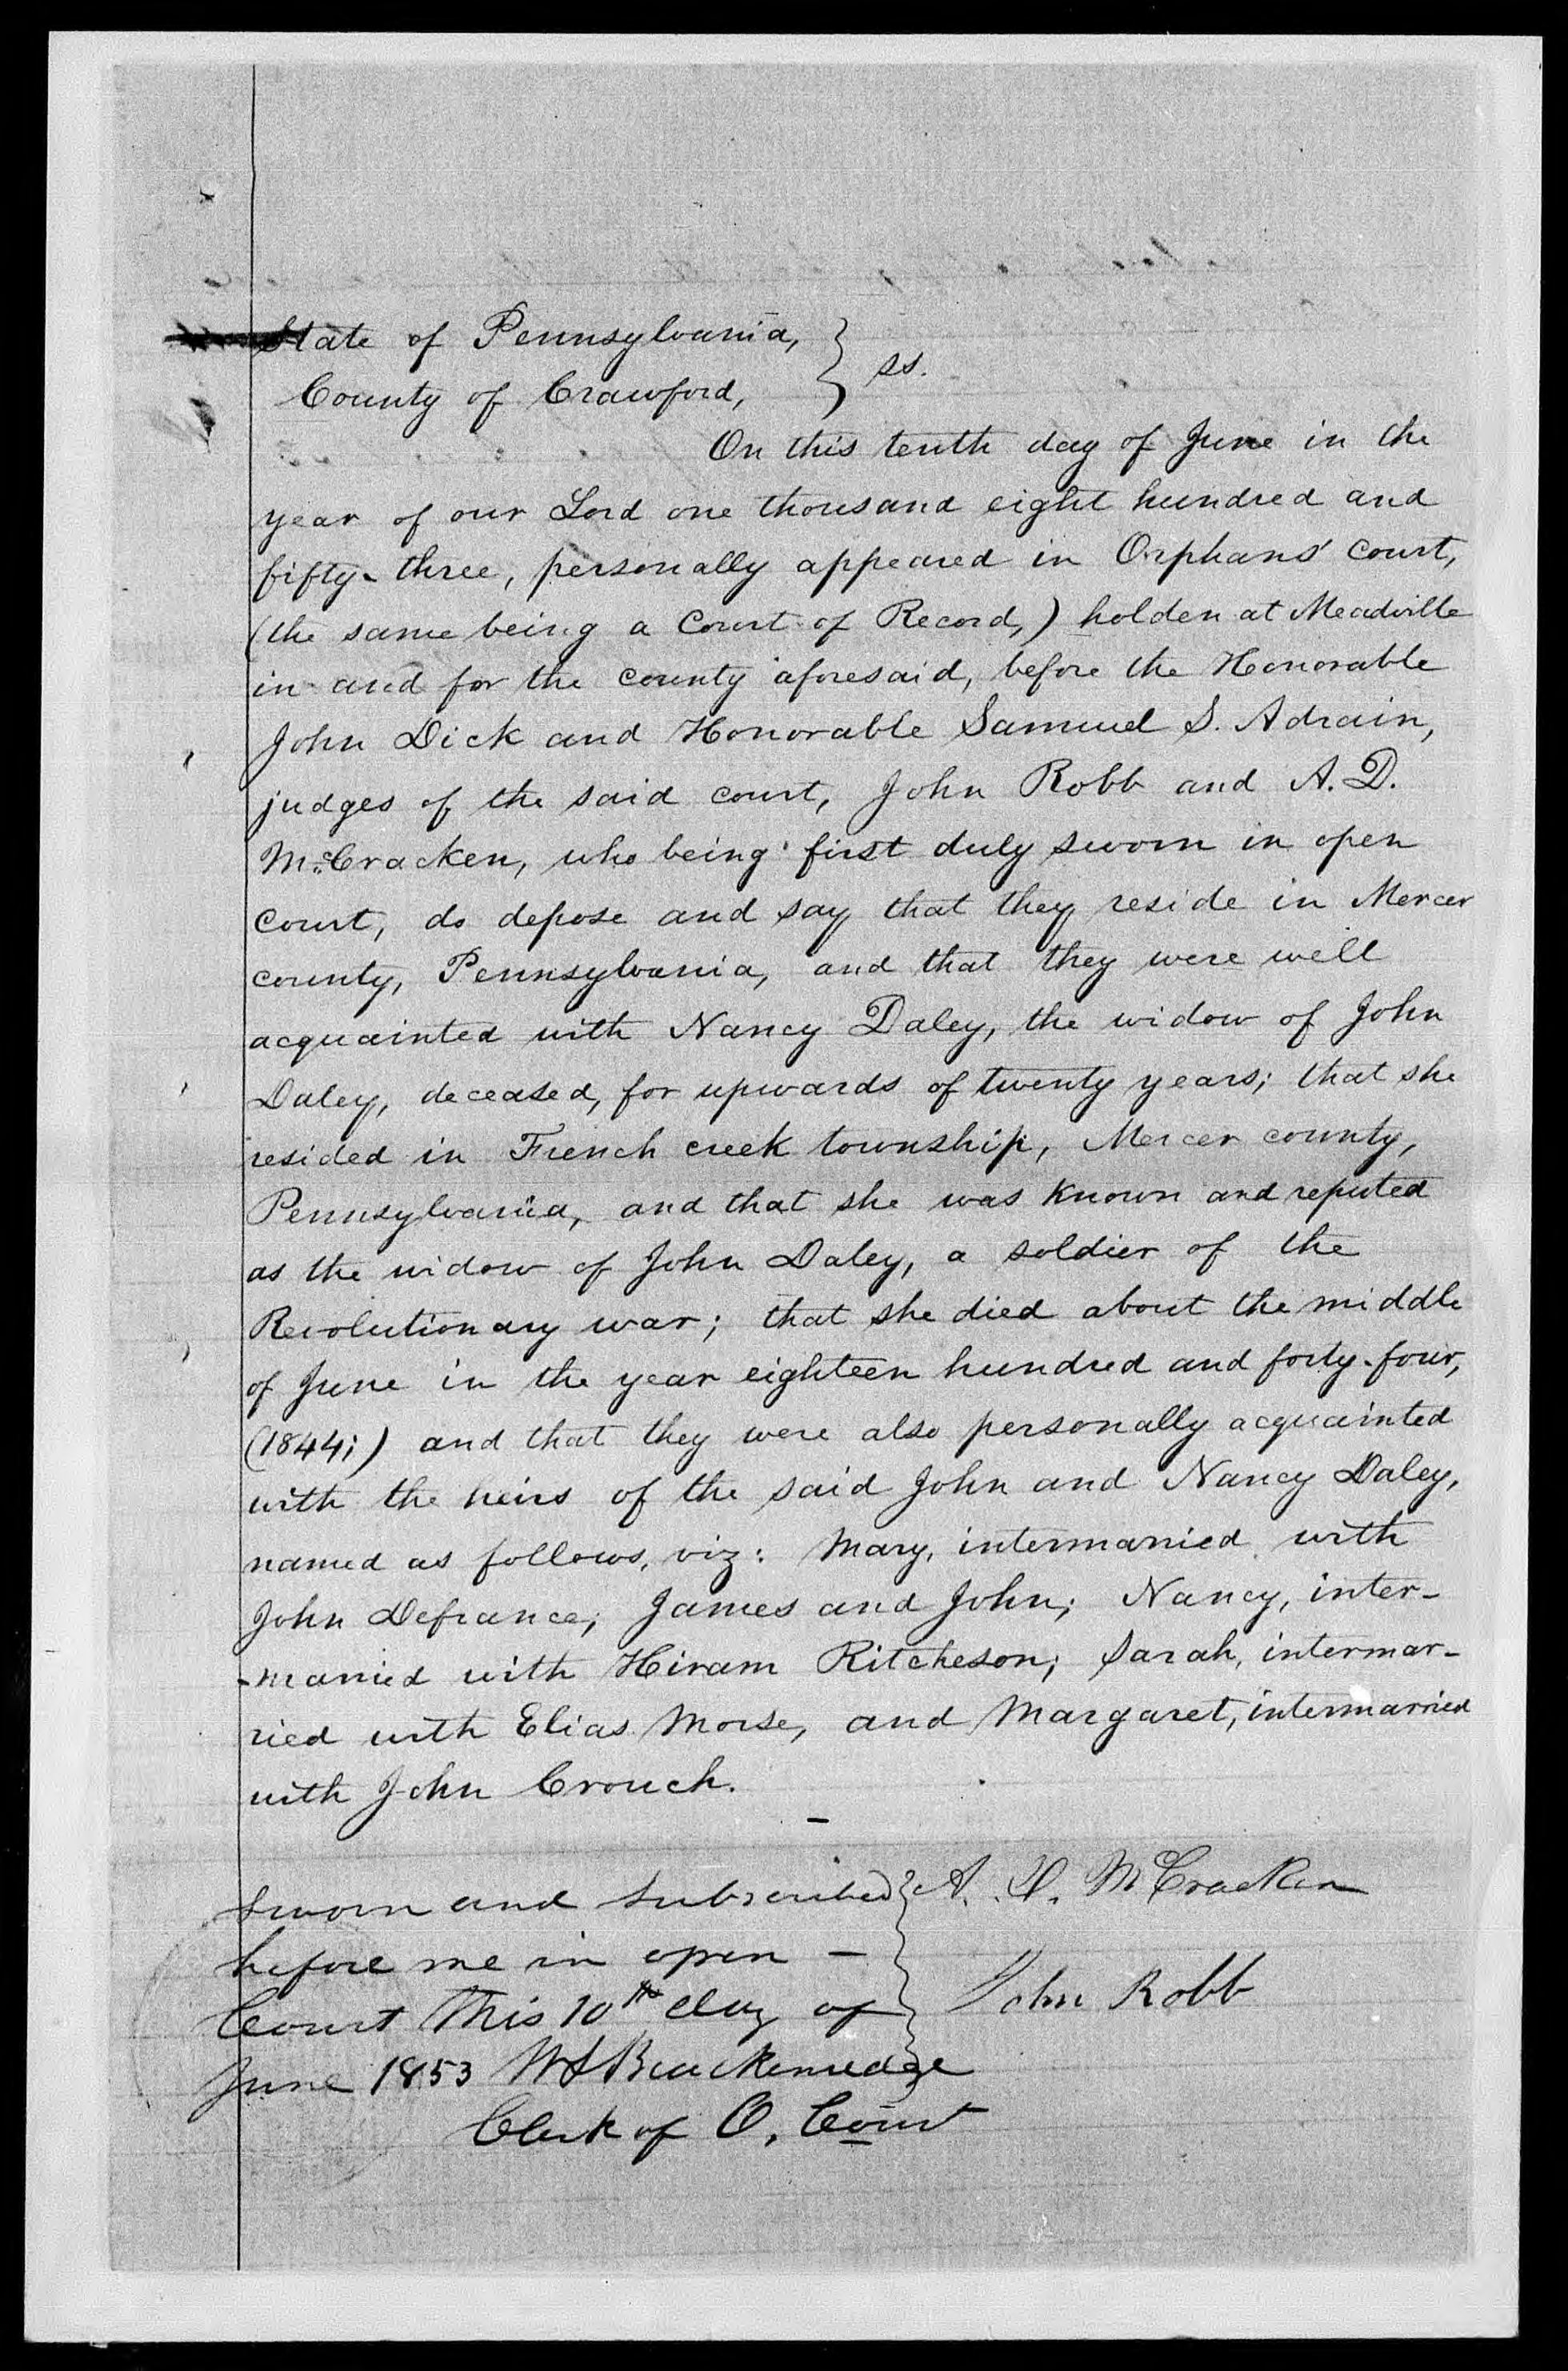State of Pennsylvania,
County of Crawford, ss
On this tenth day of June in the 
year of our Lord one thousand eight hundred and
fifty-three, personally appeared in Orphans' Court,
(the same being a Court of Record) holden at Meadville
in and for the County aforesaid, before the Honorable
John Dick and Honorable Samuel S. Adrain,
judges of the said court, John Robb and A.D.
McCracken, who being first duly sworn in open
court, do depose and say that they reside in Mercer
county, Pennsylvania, and that they were well
acquainted with Nancy Daley, the widow of John
Daley,
deceased, for upwards of twenty years; that she
resided in French creek township, Mercer County,
Pennsylvania, and that she was known and reputed
as the widow of John Daley, a soldier of
Revolutionary war; that she died about the middle
of June in the year eighteen hundred and forty-four,
(1844;) and that they were also personally acquainted 
with the heirs of the said John and Nancy Daley,
named as follows, viz: Mary, intermaried with
John Defiance, James and John; Nancy, intermarried
with Hiram Ritcheson, Sarah, intermarried
with Elias Morse, and Margaret, intermarried
with John Crouch
Sworn and subscribed | A.D. M Cracken
before me in open -
Court this 10th day of | John Robb
June 1853 W S Brackenridge
Clerk of O. Court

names: Margaret, Nancy, Nancy Daley, John Crouch, Sarah, Elias Morse, John Robb, James, John Daley, John Dick, John, John Robb, John Daley, Hiram Ritcheson, John Defrance, Samuel S Adrain, Mary, W L Brackenridge, A D Mc Cracken, John Daley, A D Mc Cracken, Nancy Daley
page: 27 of 63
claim: widow's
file: W. 3228, John Daly, Penn.